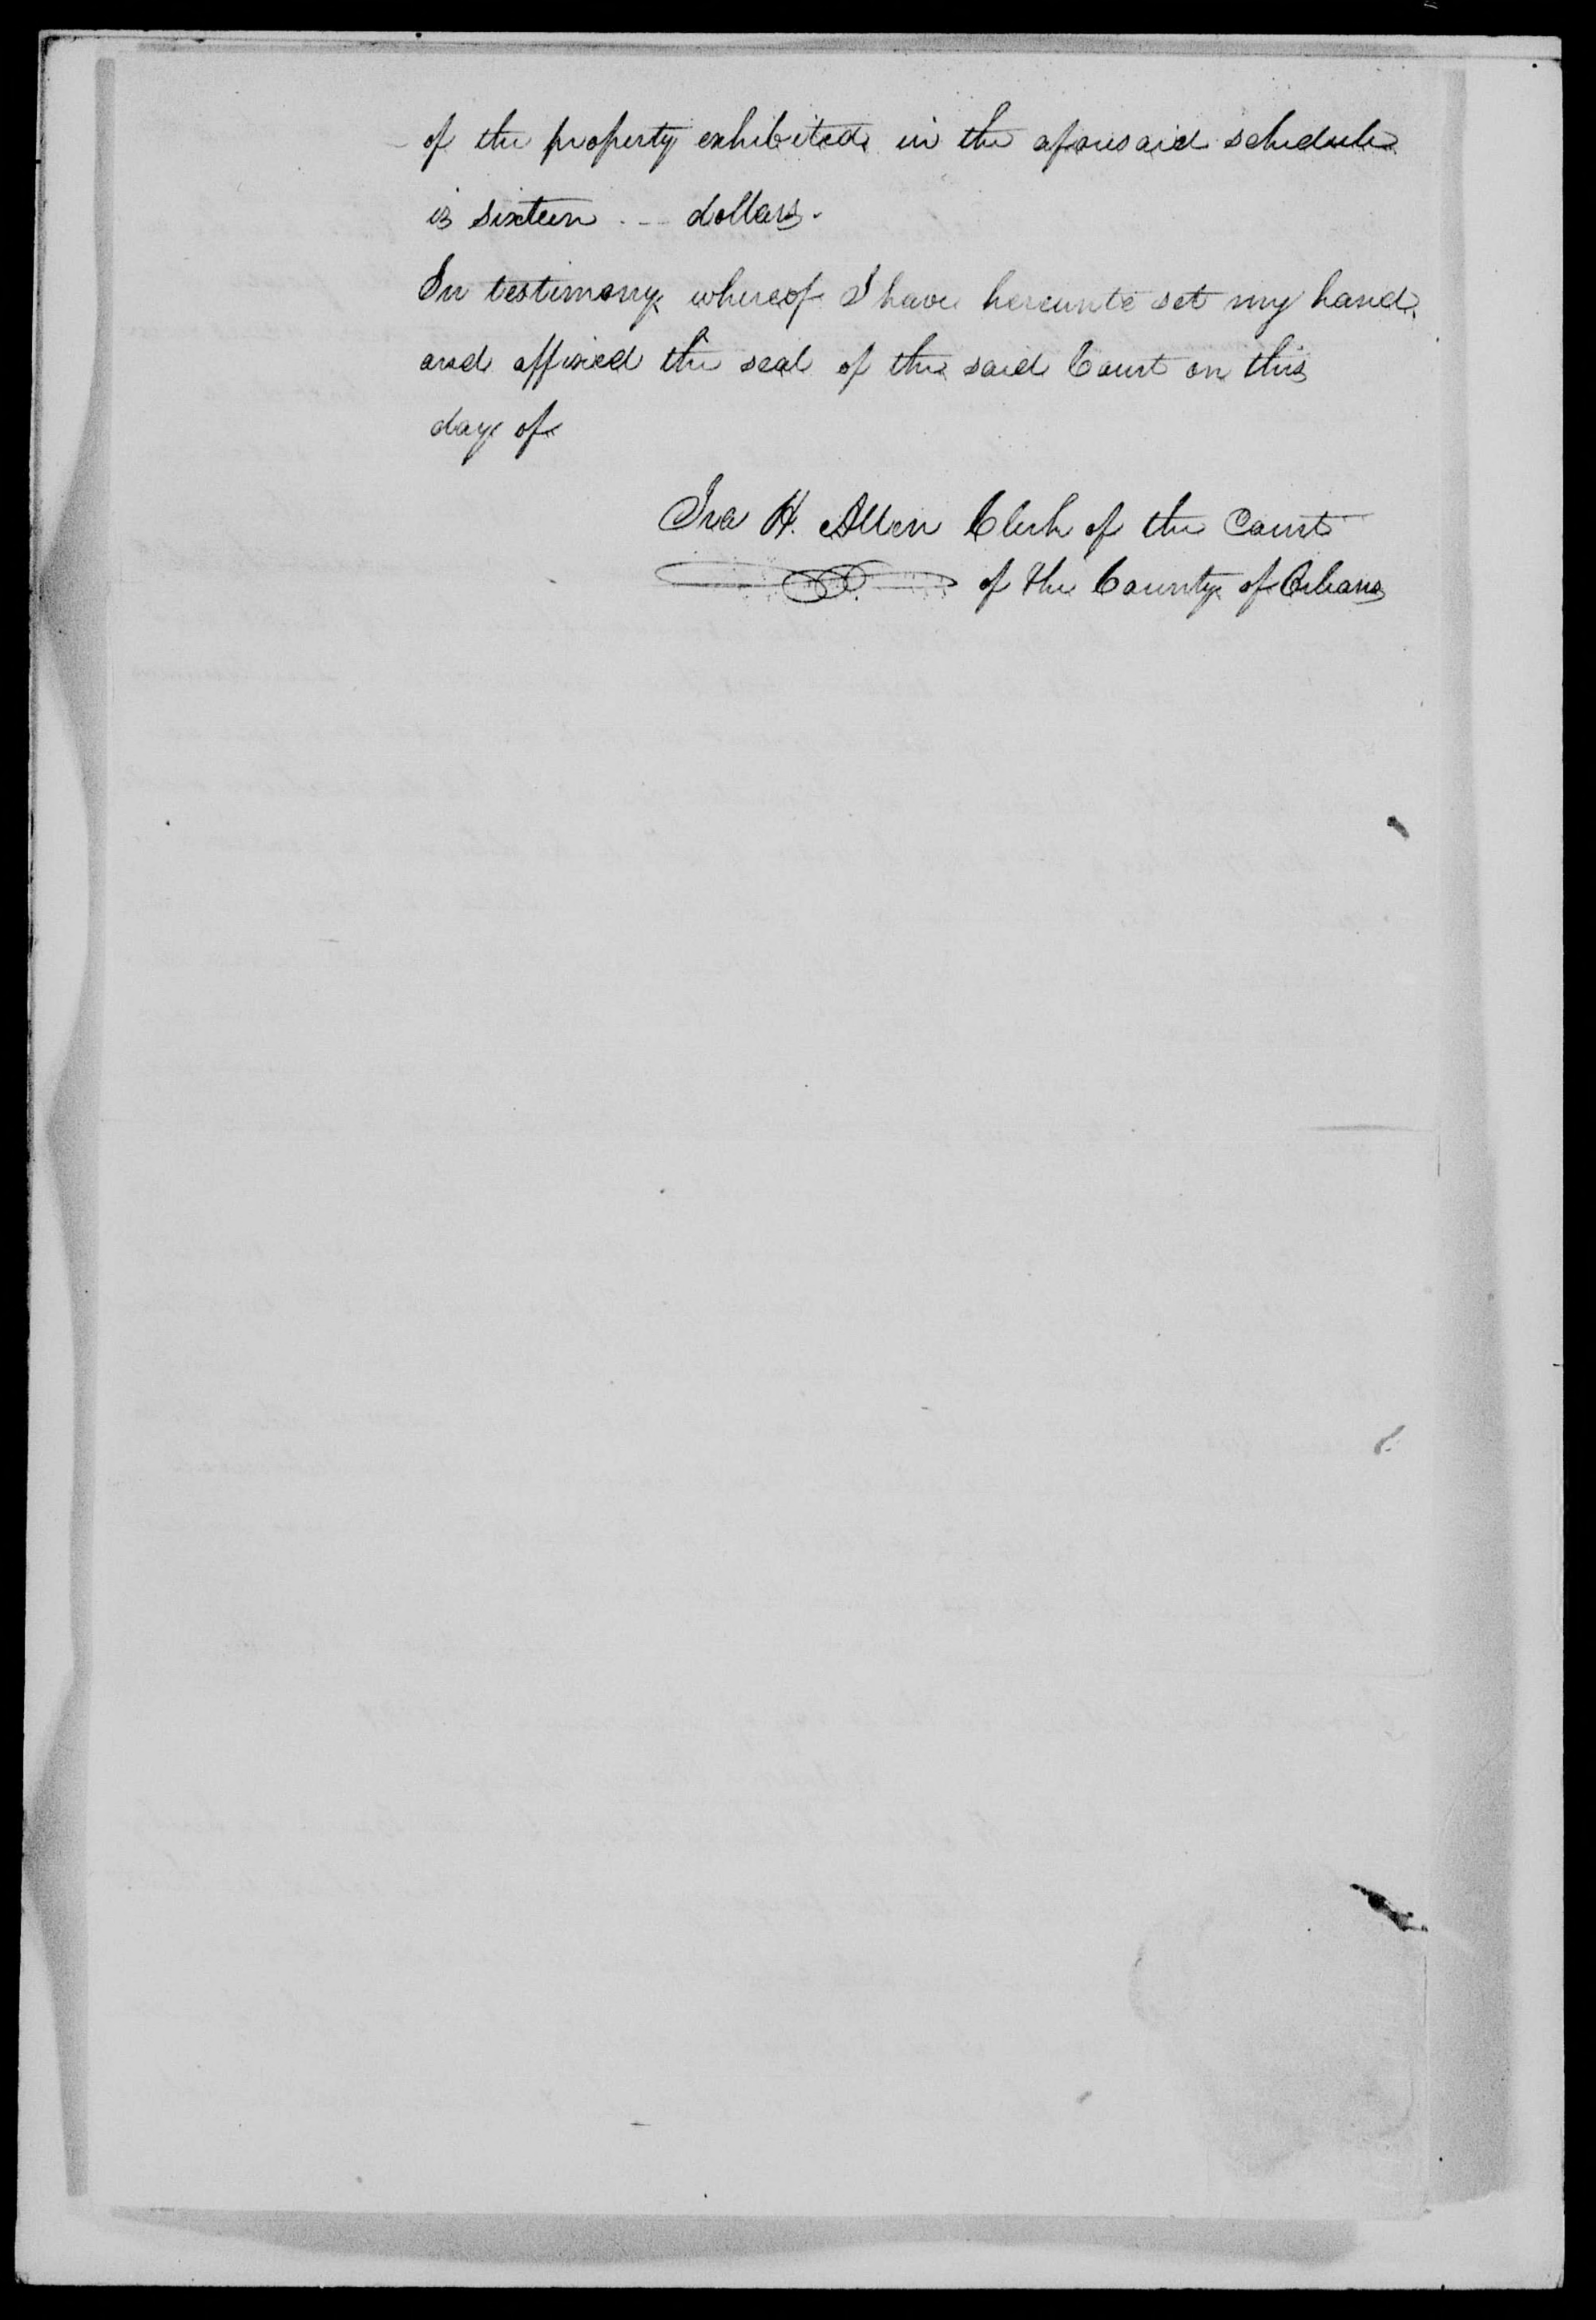of the property exhibited in the aforesaid schedule is sixteen-----dollars.
.

In testimony whereof I have hereunto set my hand and affixed the seal of the said Court on this day of
Ira H Allen Clerk of the Court
of the County of Orleans
.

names: Ira H Allen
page: 12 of 22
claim: survivor's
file: S. 38821, Jonathan Heath, Continental N.H.